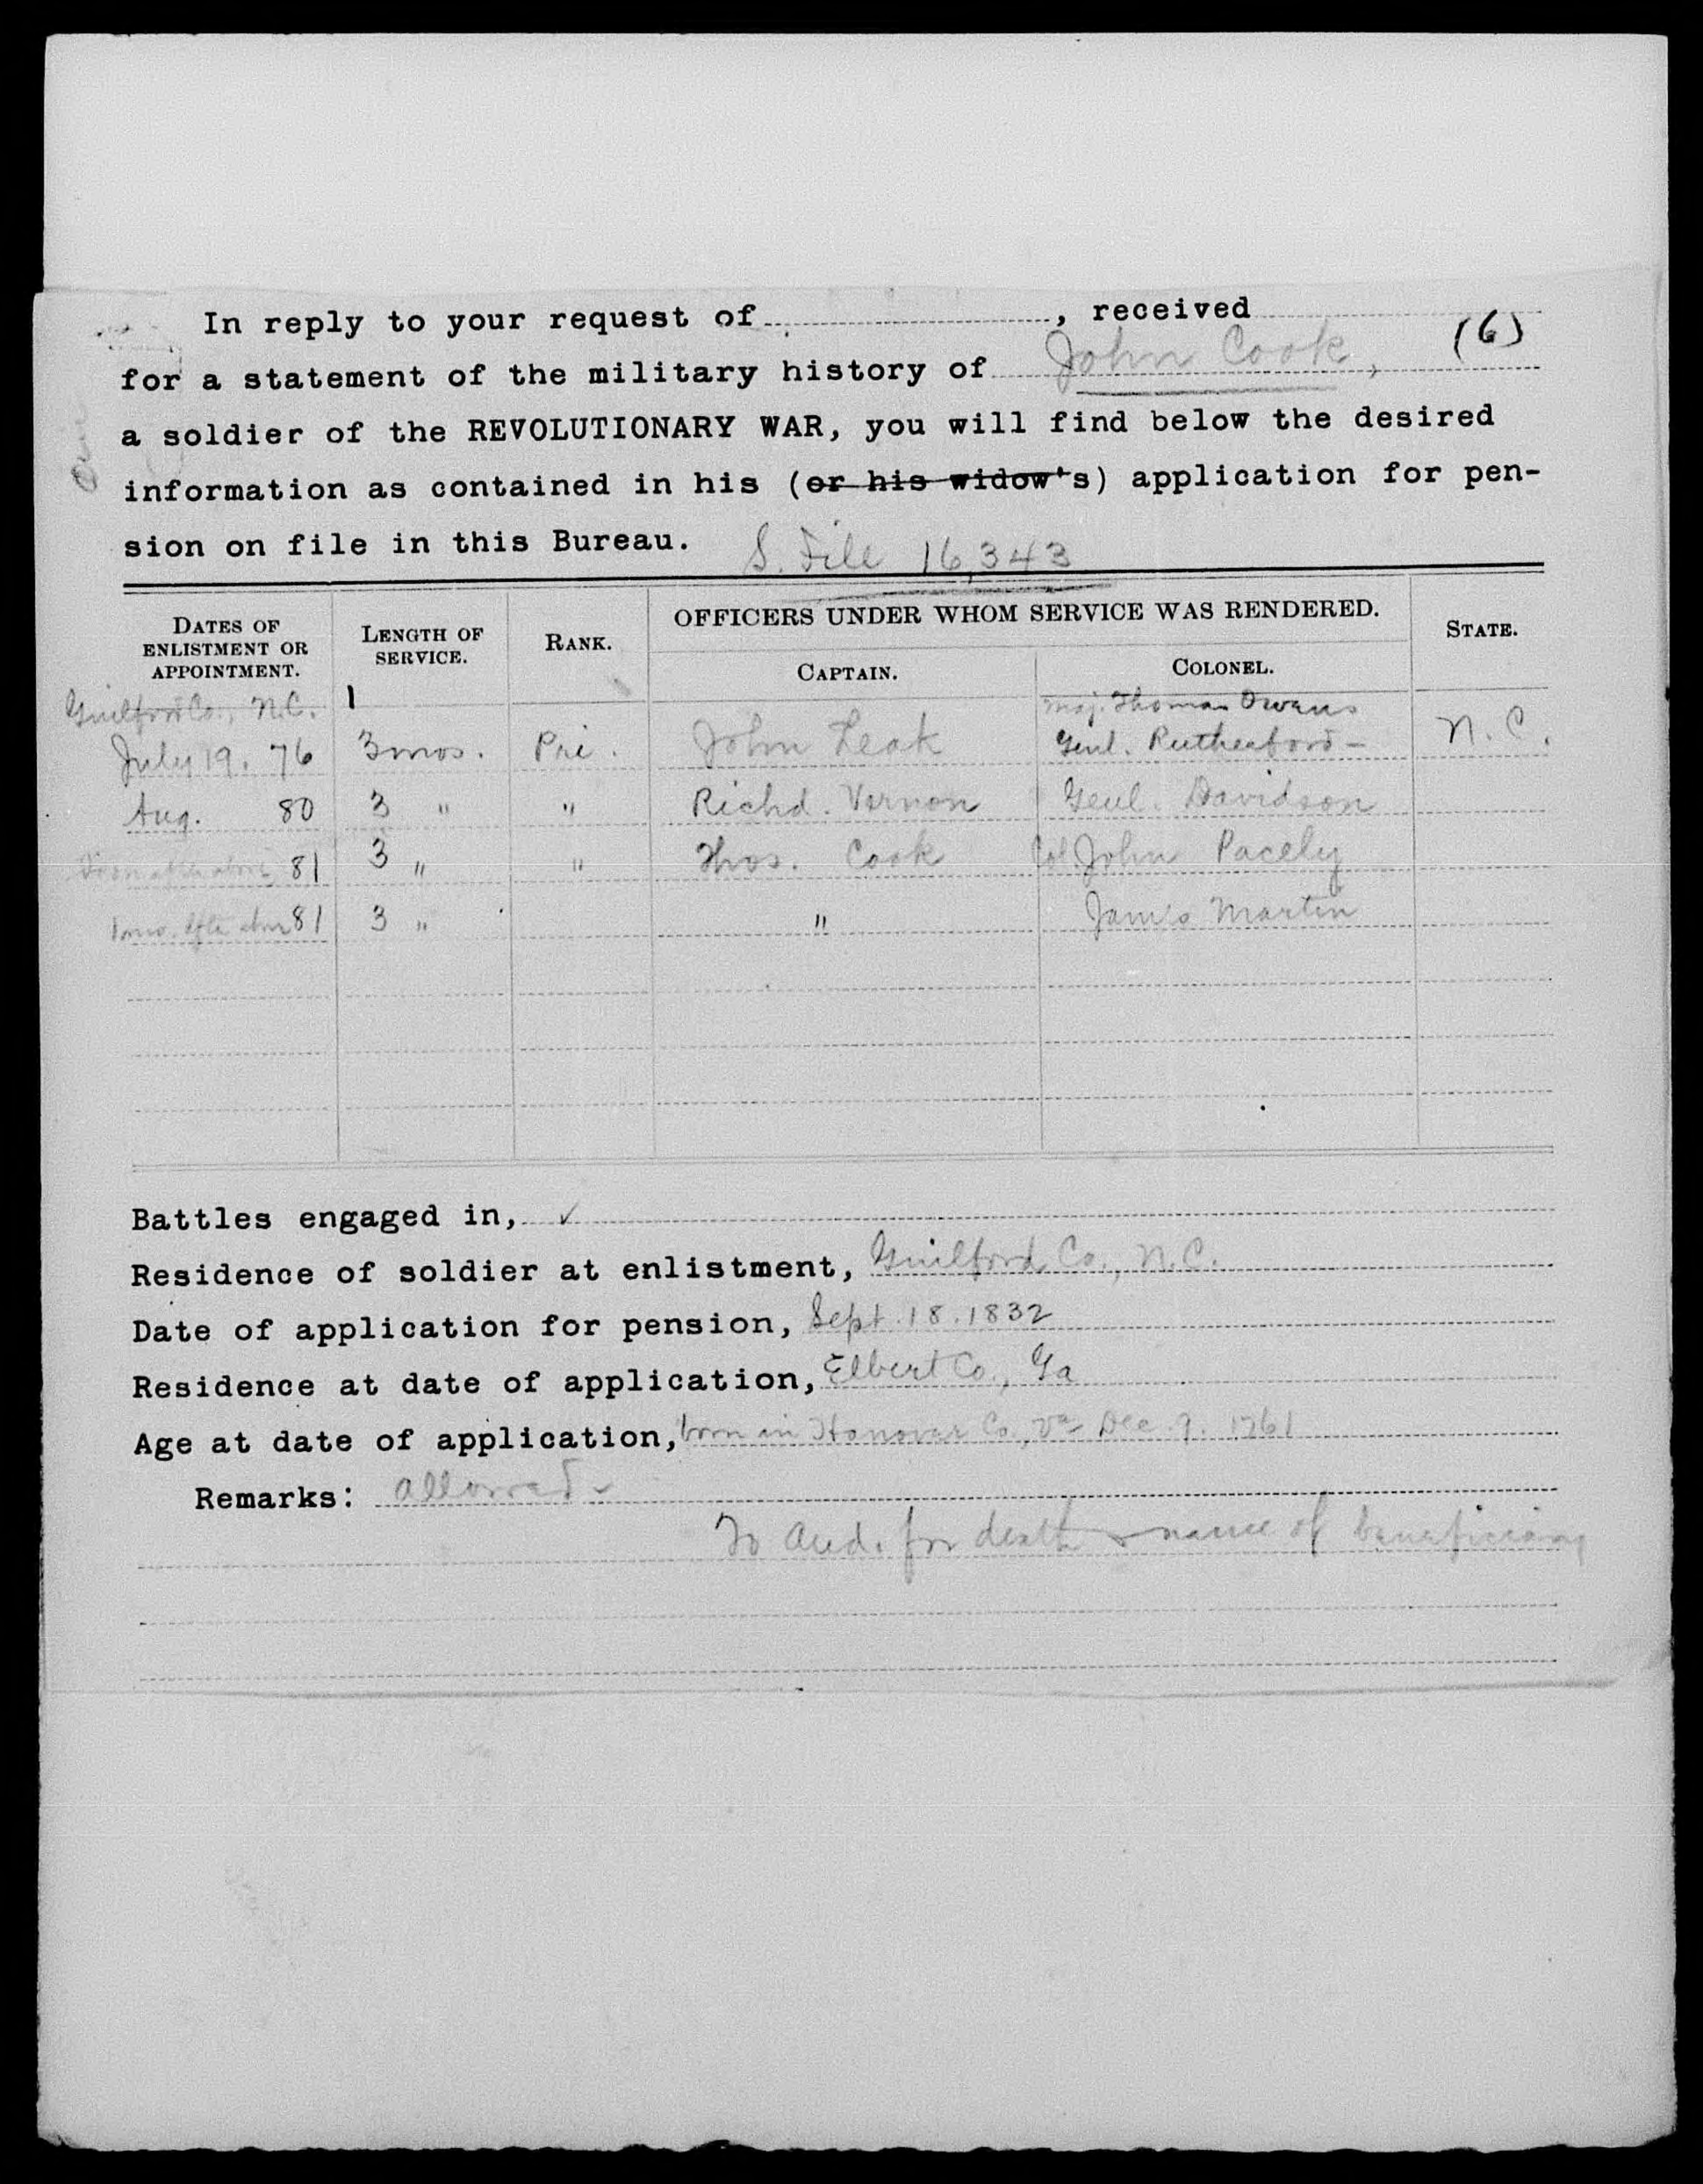In reply to your request of ____, received ____ for a statement of the military history of John Cook, (6) a soldier of the REVOLUTIONARY WAR, you will find below the desired information as contained in his application for pension on file in this Bureau.
S. File 16.343
Date of Enlistment or Appointment:  Gilford Co., N.C. July 19.76
Length of Service:  3 mos.
Rank:  Pri.
Officers under Whom Service Was Rendered
Captain:   John Leak
Colonel. :  Maj. Thomas Owens
                  Genl. Rutherford
State:  N.C.
Date:  Aug. 80
Length:  3 mos.
Rank:  Pri.
Captain Richd. Vernon  Genl. Davidson
State:  NC
Date:  [illegible] 81
Length:  3 mos.
Rank:  Private
Captain Thos. Cook
Co. John Pacely
State:  N.C.
Date:  1 mo. after [illegible] 81
Length:  3 mos.
Rank:  Private
Captain Thos. Cook
Colonel James Martin
State:  N.C.

Battles engaged in, ______
Residence of soldier at enlistment, Guilford Co., N.C.
Date of application for pension, Sept. 18. 1832
Residence at date of application, Elbert Co., Ga
Age at date of application, born in Hanover Co., Va Dec. 9 1761
Remarks:  Allowed
No aud. for death name of beneficiary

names: James Martin, Davidson, John Cook, Thos Cook, John Leak, Richd Vernon, Rutherford, Thomas Owens, John Pacely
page: 8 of 18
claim: survivor's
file: S. 16,343, John Cook, N.C.